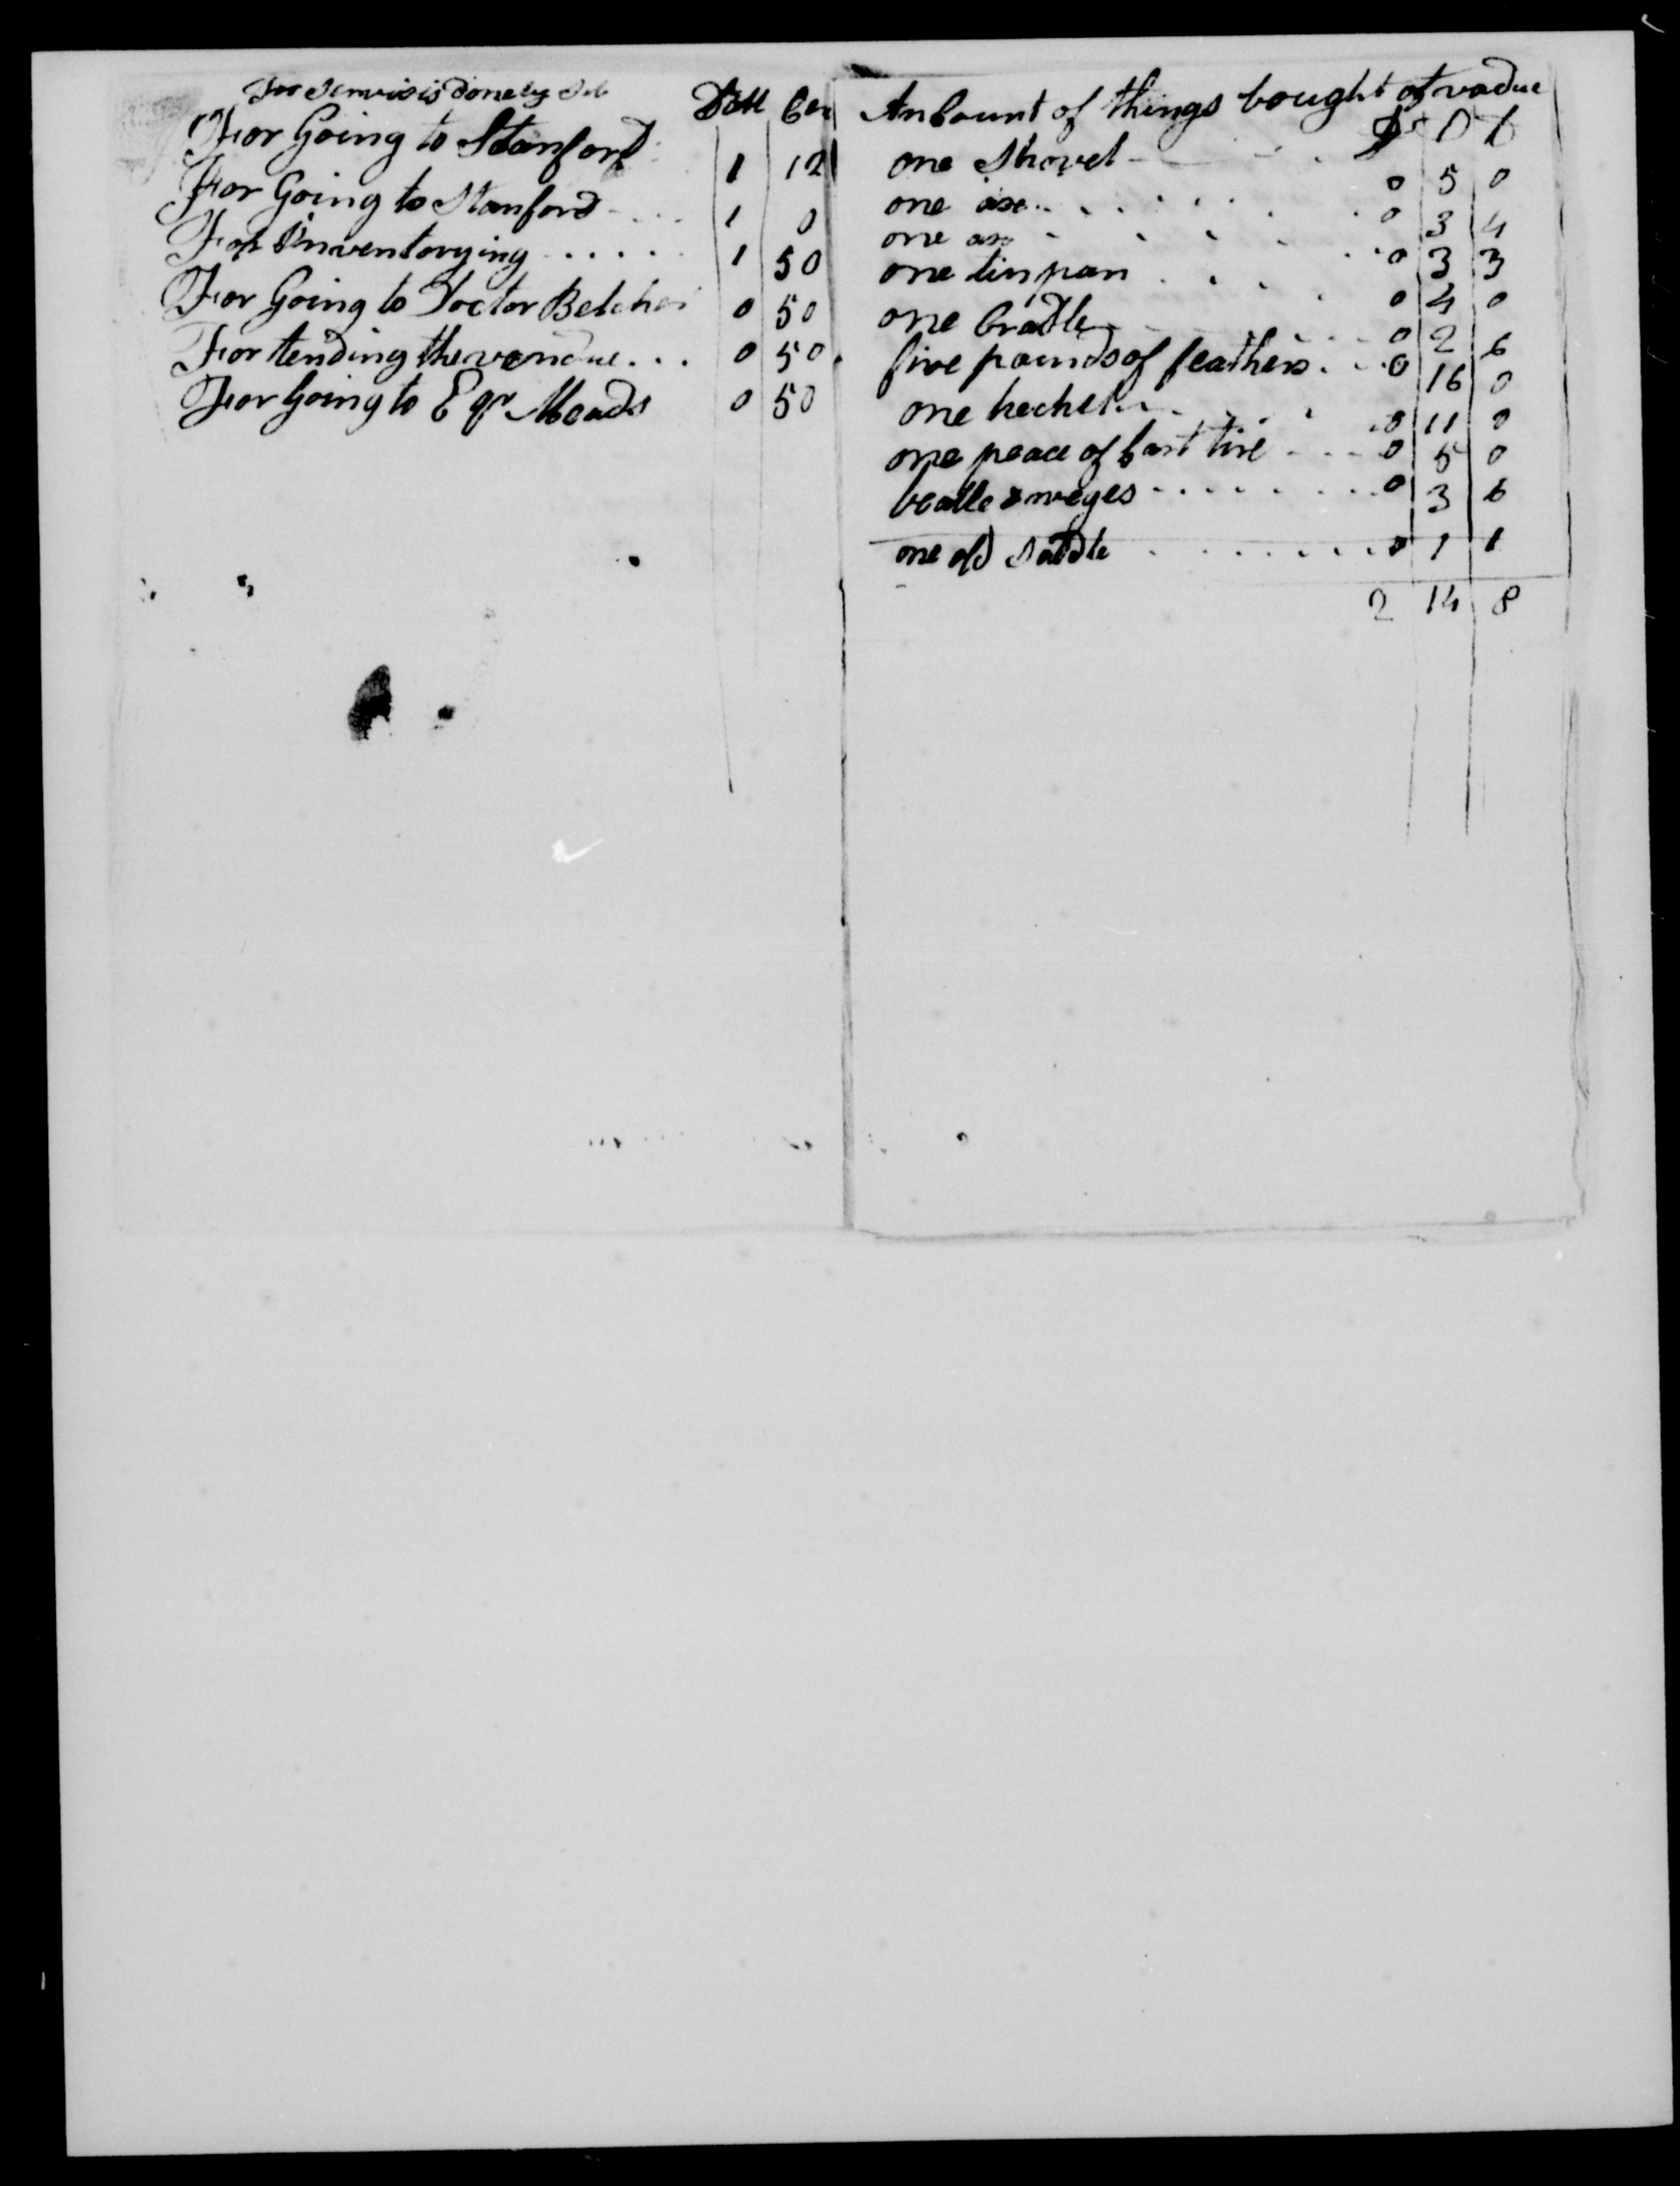[Left Column]

For [illegible]
For going to Stanford 1 12
For going to Stanford 1 0
For Inventorying 1 50
For going to Doctor Belcher 0 50
For tending the vendue [?] 0 50
For going to Eqr Meads 0 50

[Right Column]

An Count of things bought of value
one shovel [illegible] 0 5 0 
one [?] 0 3 4
one [?] 0 3 3
one tin pan 0 4 0
one Cradle [?] 0 2 6
five pounds of feathers 0 16 0
one kechel [?] 0 11 0
one peace of Cart tine [?] 0 5 0
[illegible] 0 3 6
one old saddle 0 1 1

[Total] 2 14 8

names: [BLANK] Meads; [BLANK] Betcher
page: 35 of 77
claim: survivor's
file: S. 23003, for Silas Southerland, New York